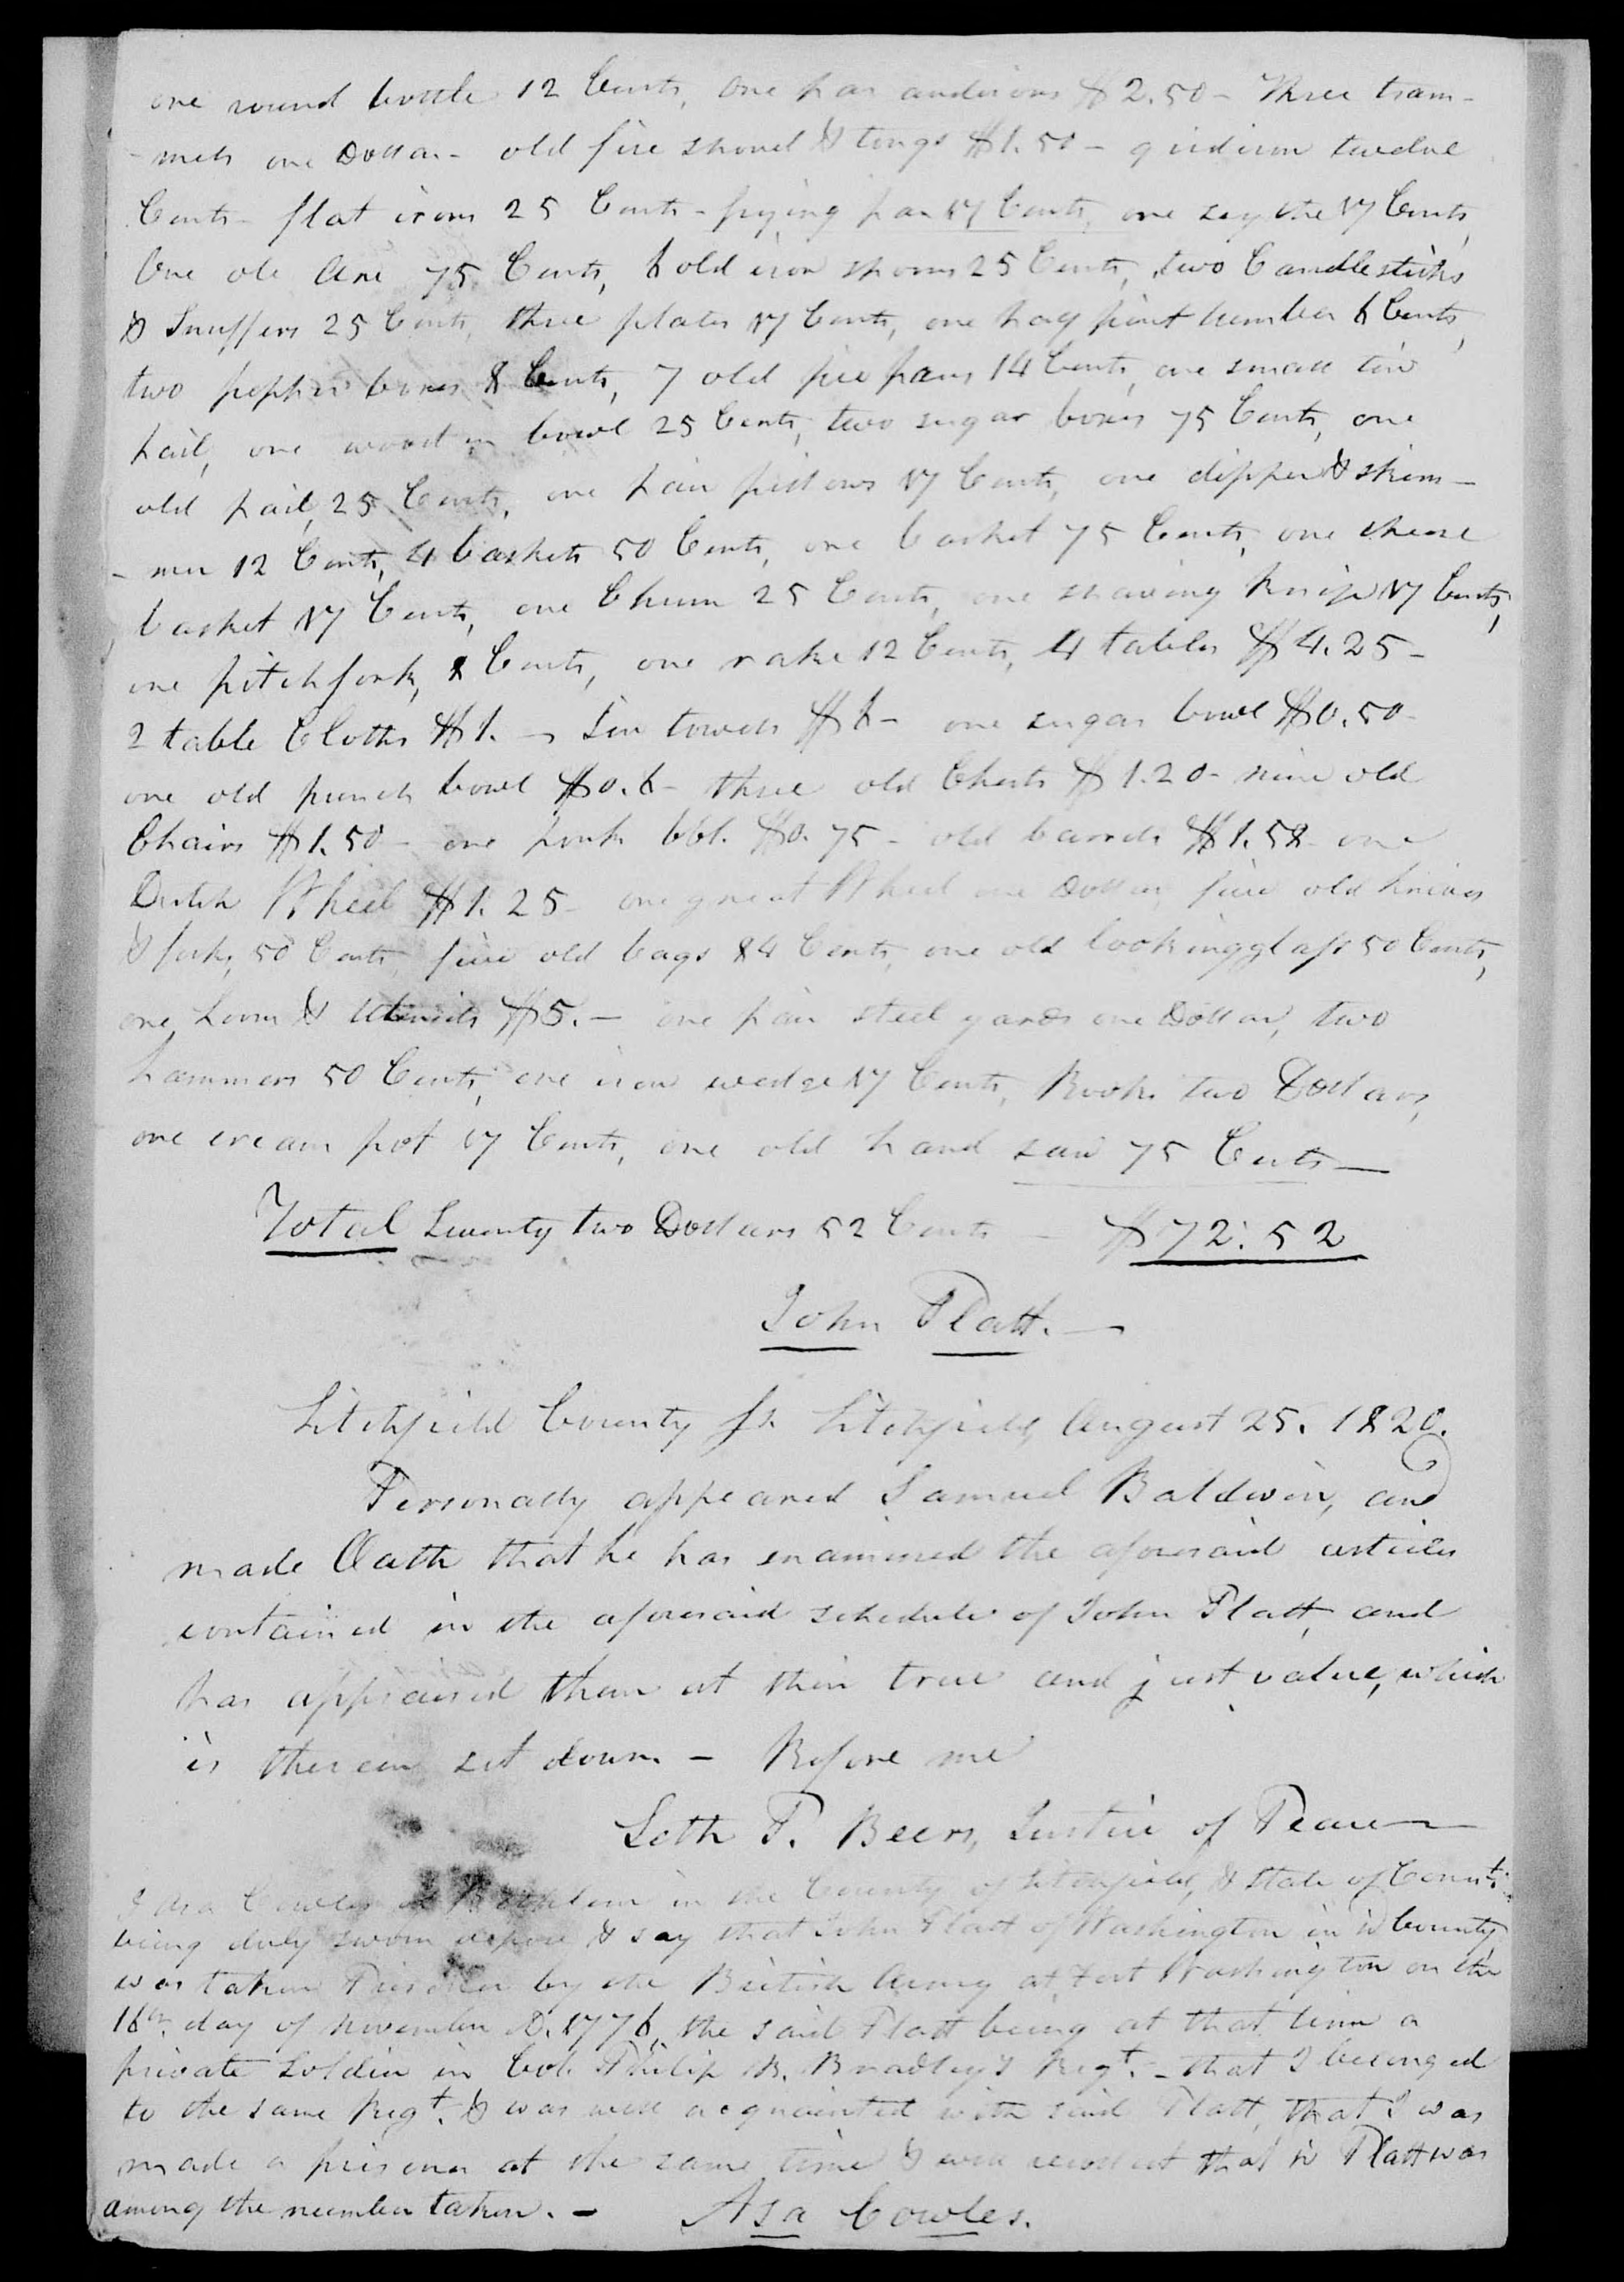one round bottle 12 Cents, one par andirons $2.50 - Three trammets 
one Dollar old fire shovel & tongs $1.50- gridiron twelve
Cents flat iron 25 Cents -  frying pan 67 Cents, one laythe 17 Cents
One old ani 75 Cents, 1 old iron thong 25 Cents, two Candlesticks
& Snuffers 25 Cents three plates 17 Cents, one half pint tumbler 6 Cents
two pepper [illegible] 8 cents, 7 old pie pans 14 cents one small tin
pail one wooden bowl 25 Cents, two sugar boxes 75 Cents, one
old pail 25 cents one pair pillows 17 Cents, one dipper & skimmer
12 Cents, 4 basket 50 Cents, one basket 75 Cents, one cheese
Basket 17 Cent, one Churn 25 cents one carving knife 17 cents,
one pitchfork, 8 cents, one rake 12 cents, 4 tables $4.25-
2 table Cloths $1. - ten towels $6 - one Sugar Bowl $0,50
one old punch bowl $0.6 -  three old Chests $1.20 nine old
Chairs $1.50- one [illegible] bbl. $0.75- old barrel $1.58 one
Dutch Wheel $1.25- one great wheel one dollar five old knives
& forks 50 cents five old bags 84 Cents, one old looking glass 50 Cents
one Loom & utensils $5. one pair [illegible] yards one Dollar, two
hammers 50 cents one iron wedge 17 Cents, Books two Dollars
one cream pot 17 Cents, one old hand saw 75 Cents
Total Seventy two Dollars 52 Cents-- $72.52
John Platt
Litchfield County Ss  Litchfield August 25. 1820
Personally appeared Samuel Baldwin, and
made Oath that he has examined the aforesaid articles
contained in the aforesaid schedule of John Platt and
has appraised them at their true and just value, which
is therein set down-- Before me
Seth P. Beers, Justice of Peace
Asa Cowles [illegible] in the County of Litchfield & State of Connecticut
being duly sworn depose & say that John Platt of Washington in sd County
was taken Prisoner by the British Army at Fort Washington on the
16th day of November AD. 1776 the said Platt being at that time a
private soldier in Col Philip B. Bradley's Regt - that I belonged
to the same Regt & was well acquainted with said Platt, that I was
made a prisoner at the same time & well recollect that sd Platt was
among the number taken.-
Asa Cowles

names: Seth P Beers; John Platt; Samuel Baldwin; Asa Cowles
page: 5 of 12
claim: survivor's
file: S. 36,233, for John Platt, Connecticut